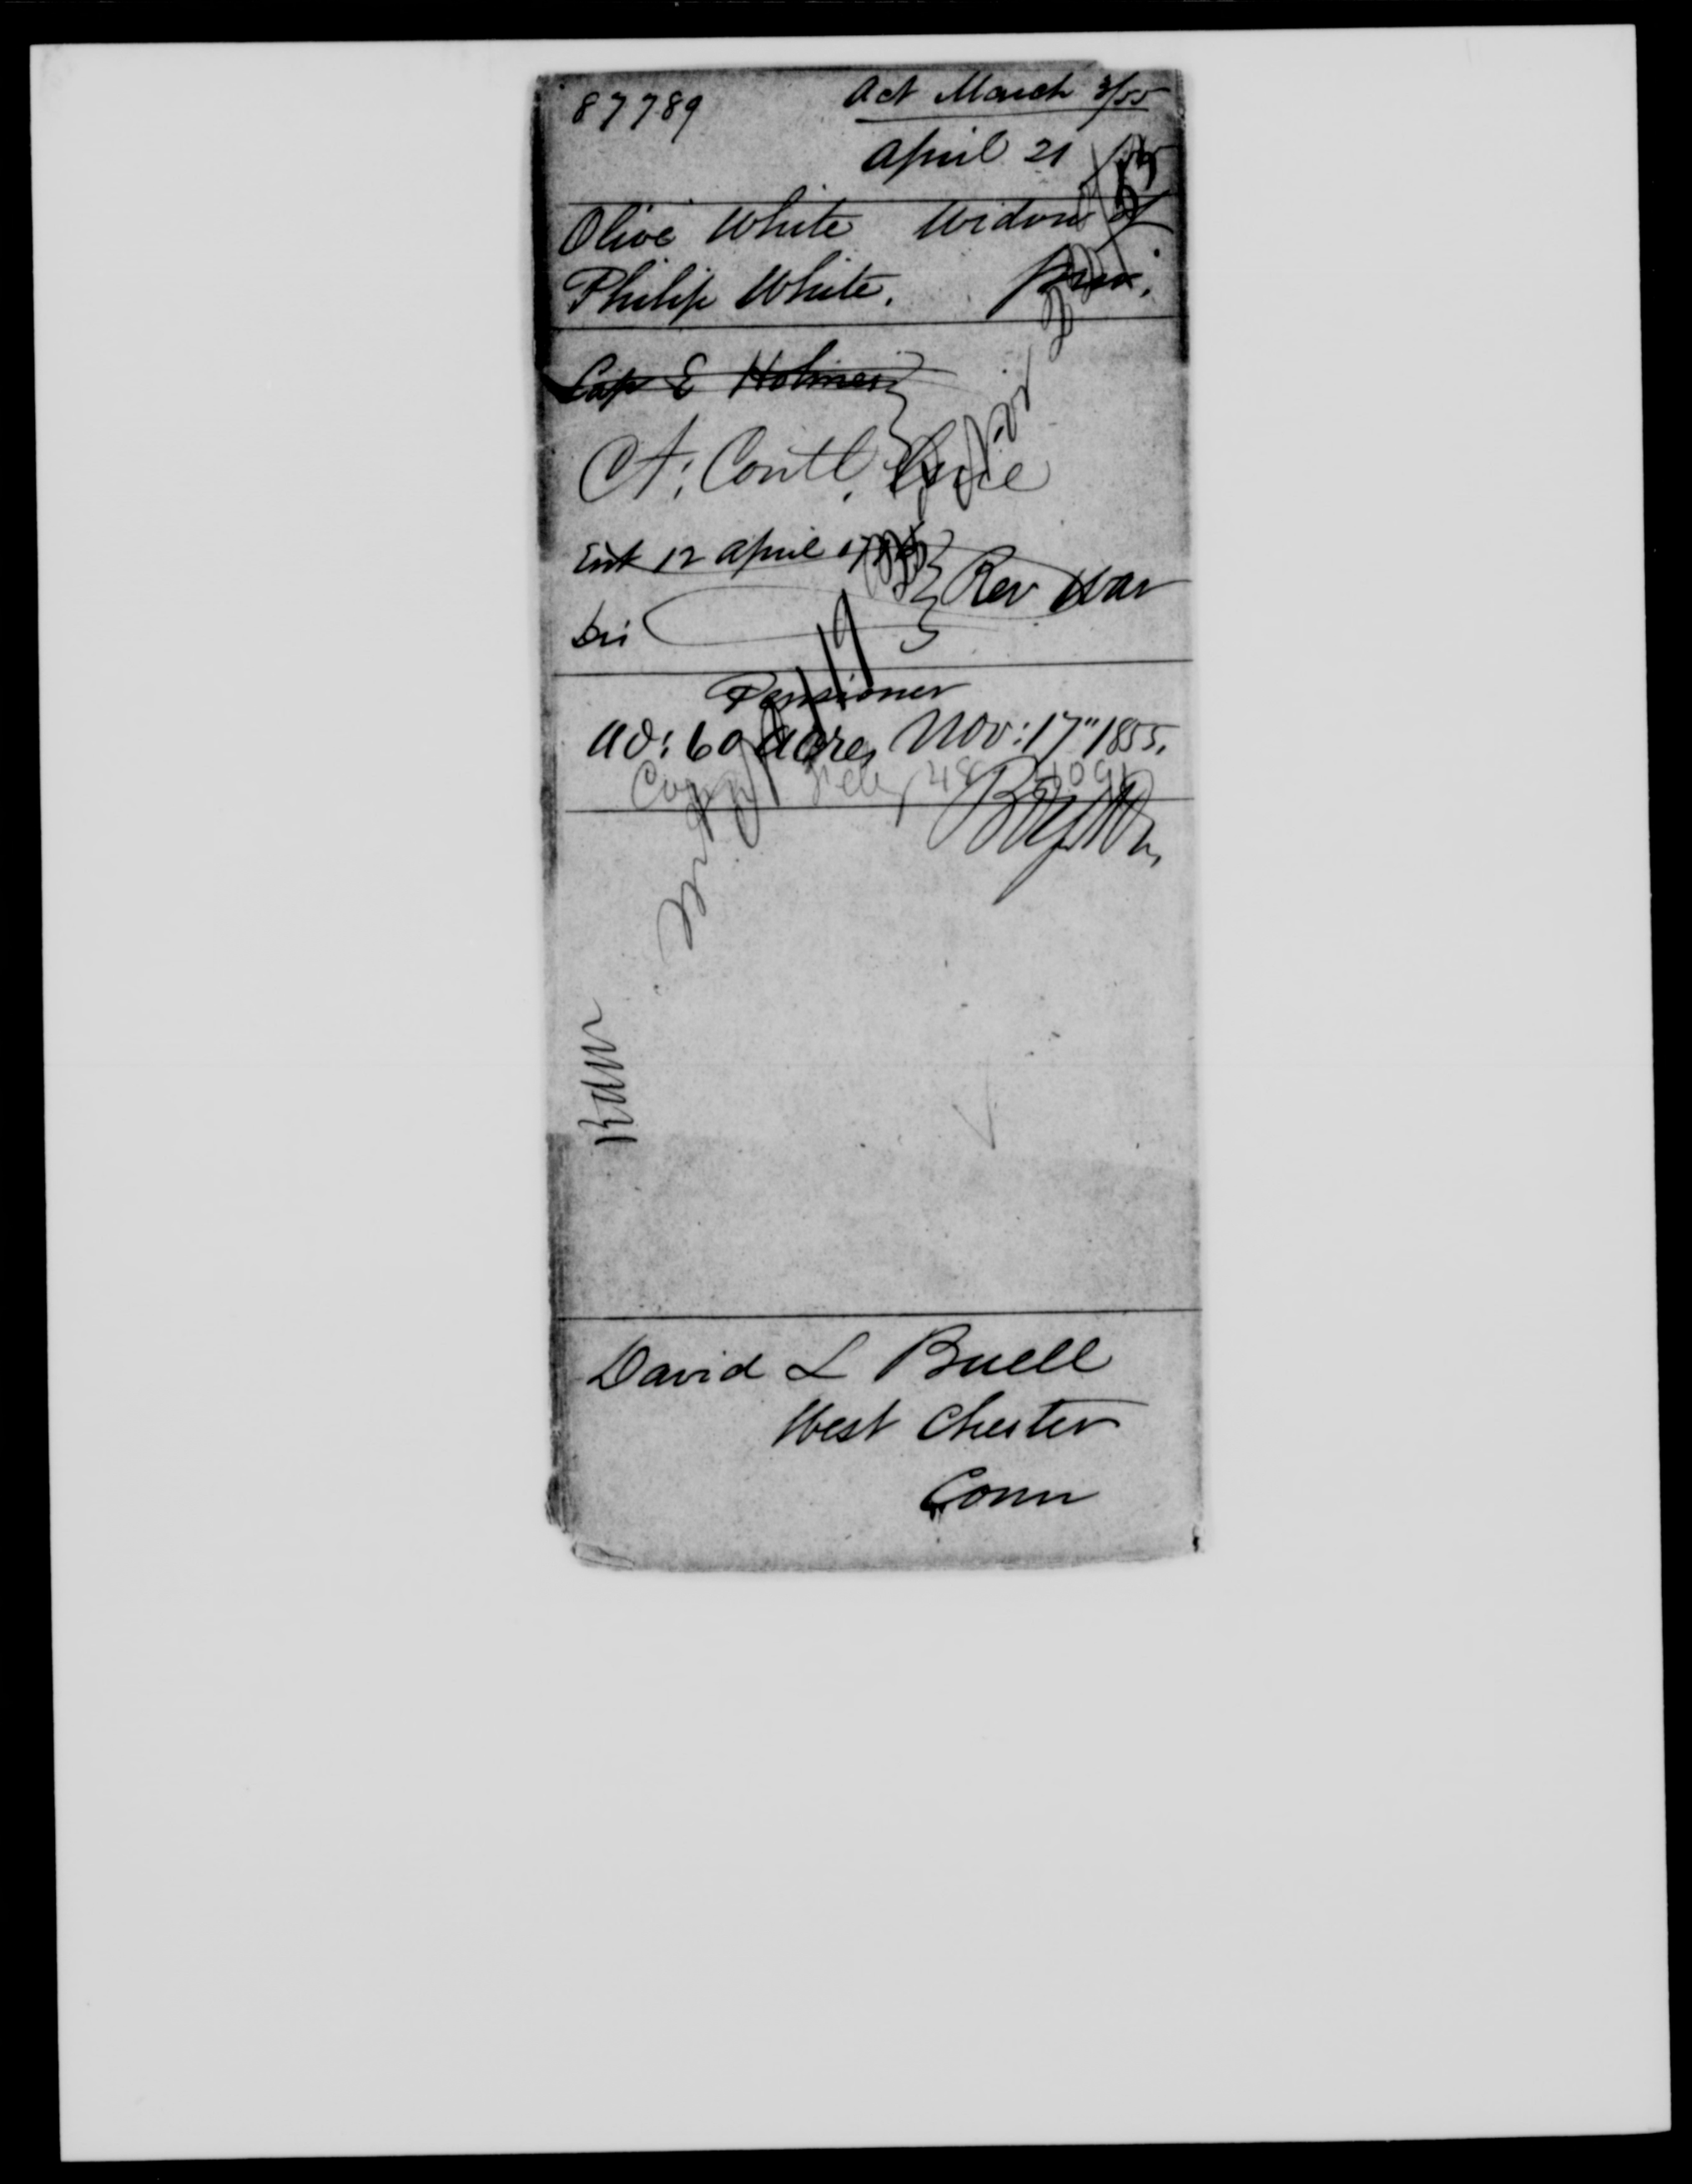[Note: text overwritten on the entire document, unreadable]

87789
Act March 3/55
April 21

Olive White Widow [text, illegible]
Philip White,

Crossed out: Cap E Holmes]

Ct: Contle line

Ent 12 April 177?
Rev War
[illegible]

Pensioner
Ad:60  acres Nov. 7, 1855,
Conn Feb 48 4091

Boynton

David L Buell
West Chester
Conn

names: E Holmes, David L Buell, Philip White, Olive White, Boynton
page: 22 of 50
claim: widow's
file: W. 25,969, Philip White, Conn.